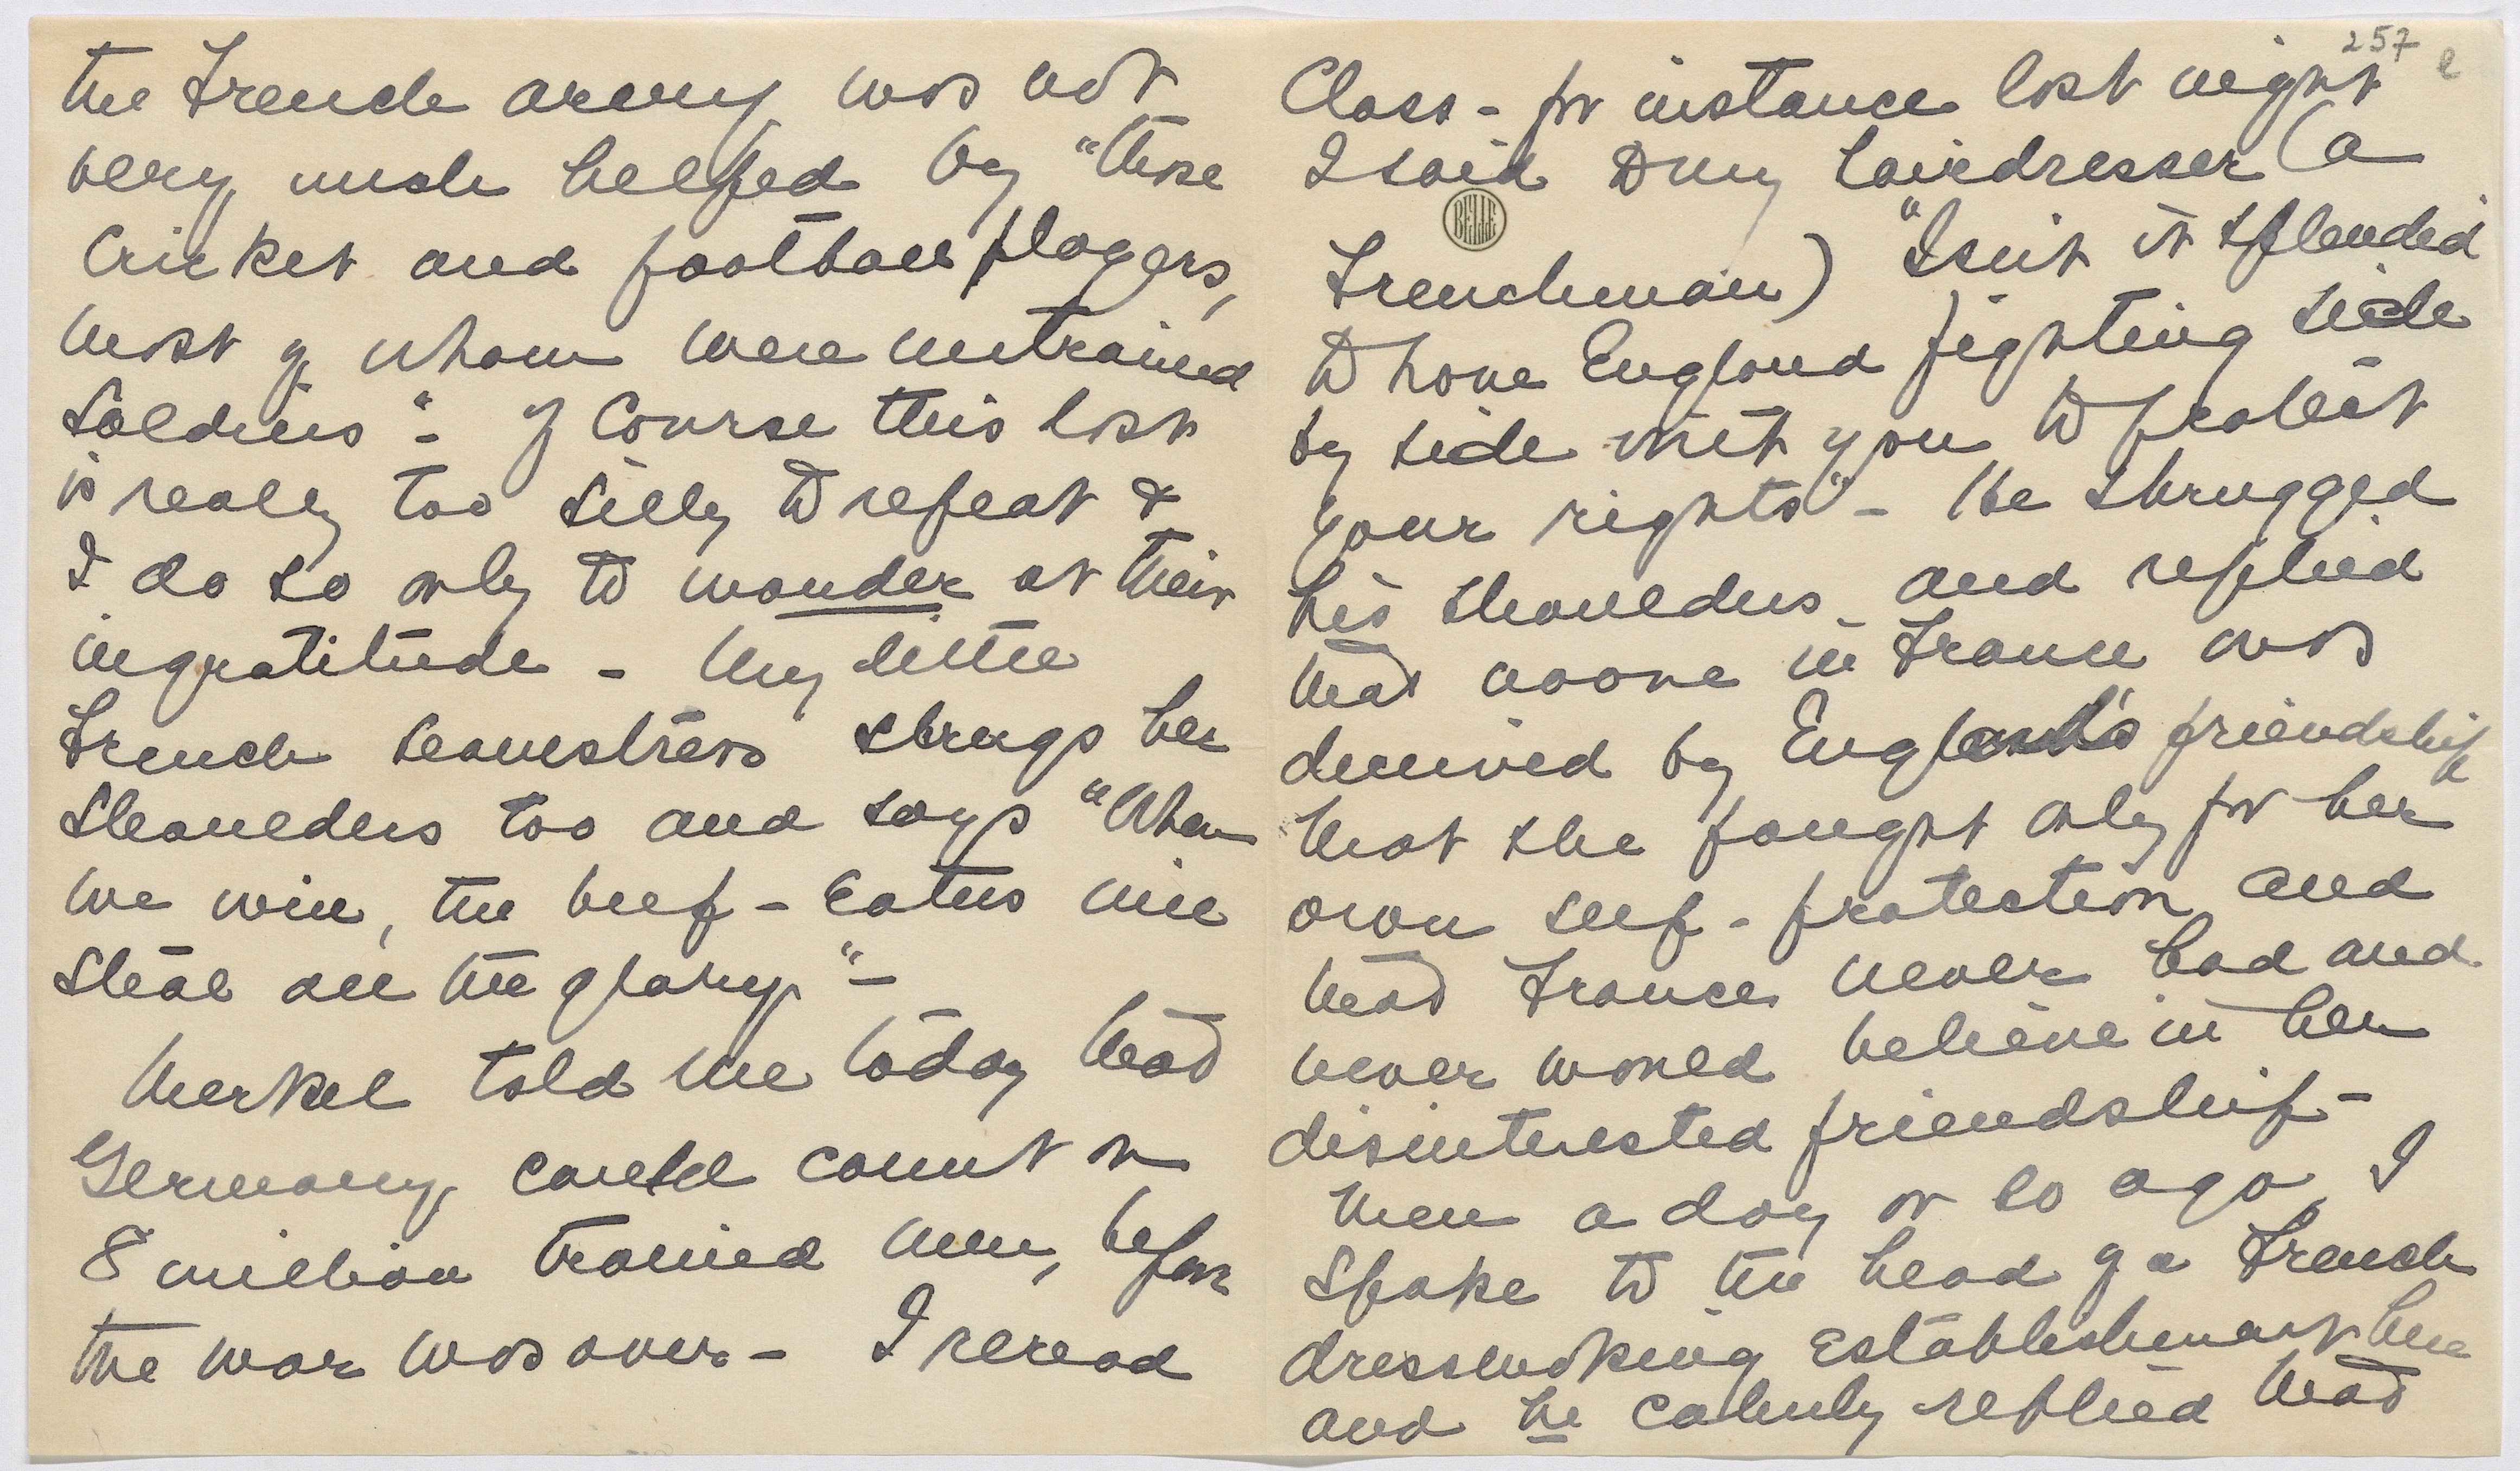class – for instance last night I said to my hairdresser (a Frenchman) “Isn’t it splendid to have England fighting side by side with you to protest your rights” – He shrugged his shoulders and replied that no one in France was deceived by England’s “friendship” that she fought only for her own self-protection and that France never had and never would believe in her disinterested friendship – Then a day or so ago I spoke to the head of a French dressmaking establishment here and he calmly replied that
the French army was not very much helped by “those cricket and football players, most of whom were untrained soldiers –” of course this last is really too silly to repeat & I do so only to wonder at their ingratitude – My little French seamstress shrugs her shoulders too and says “when we win, the beef-eaters will steal all the glory” –
Merkel told me today that Germany could count on 8 million trained men, before the war was over – I reread